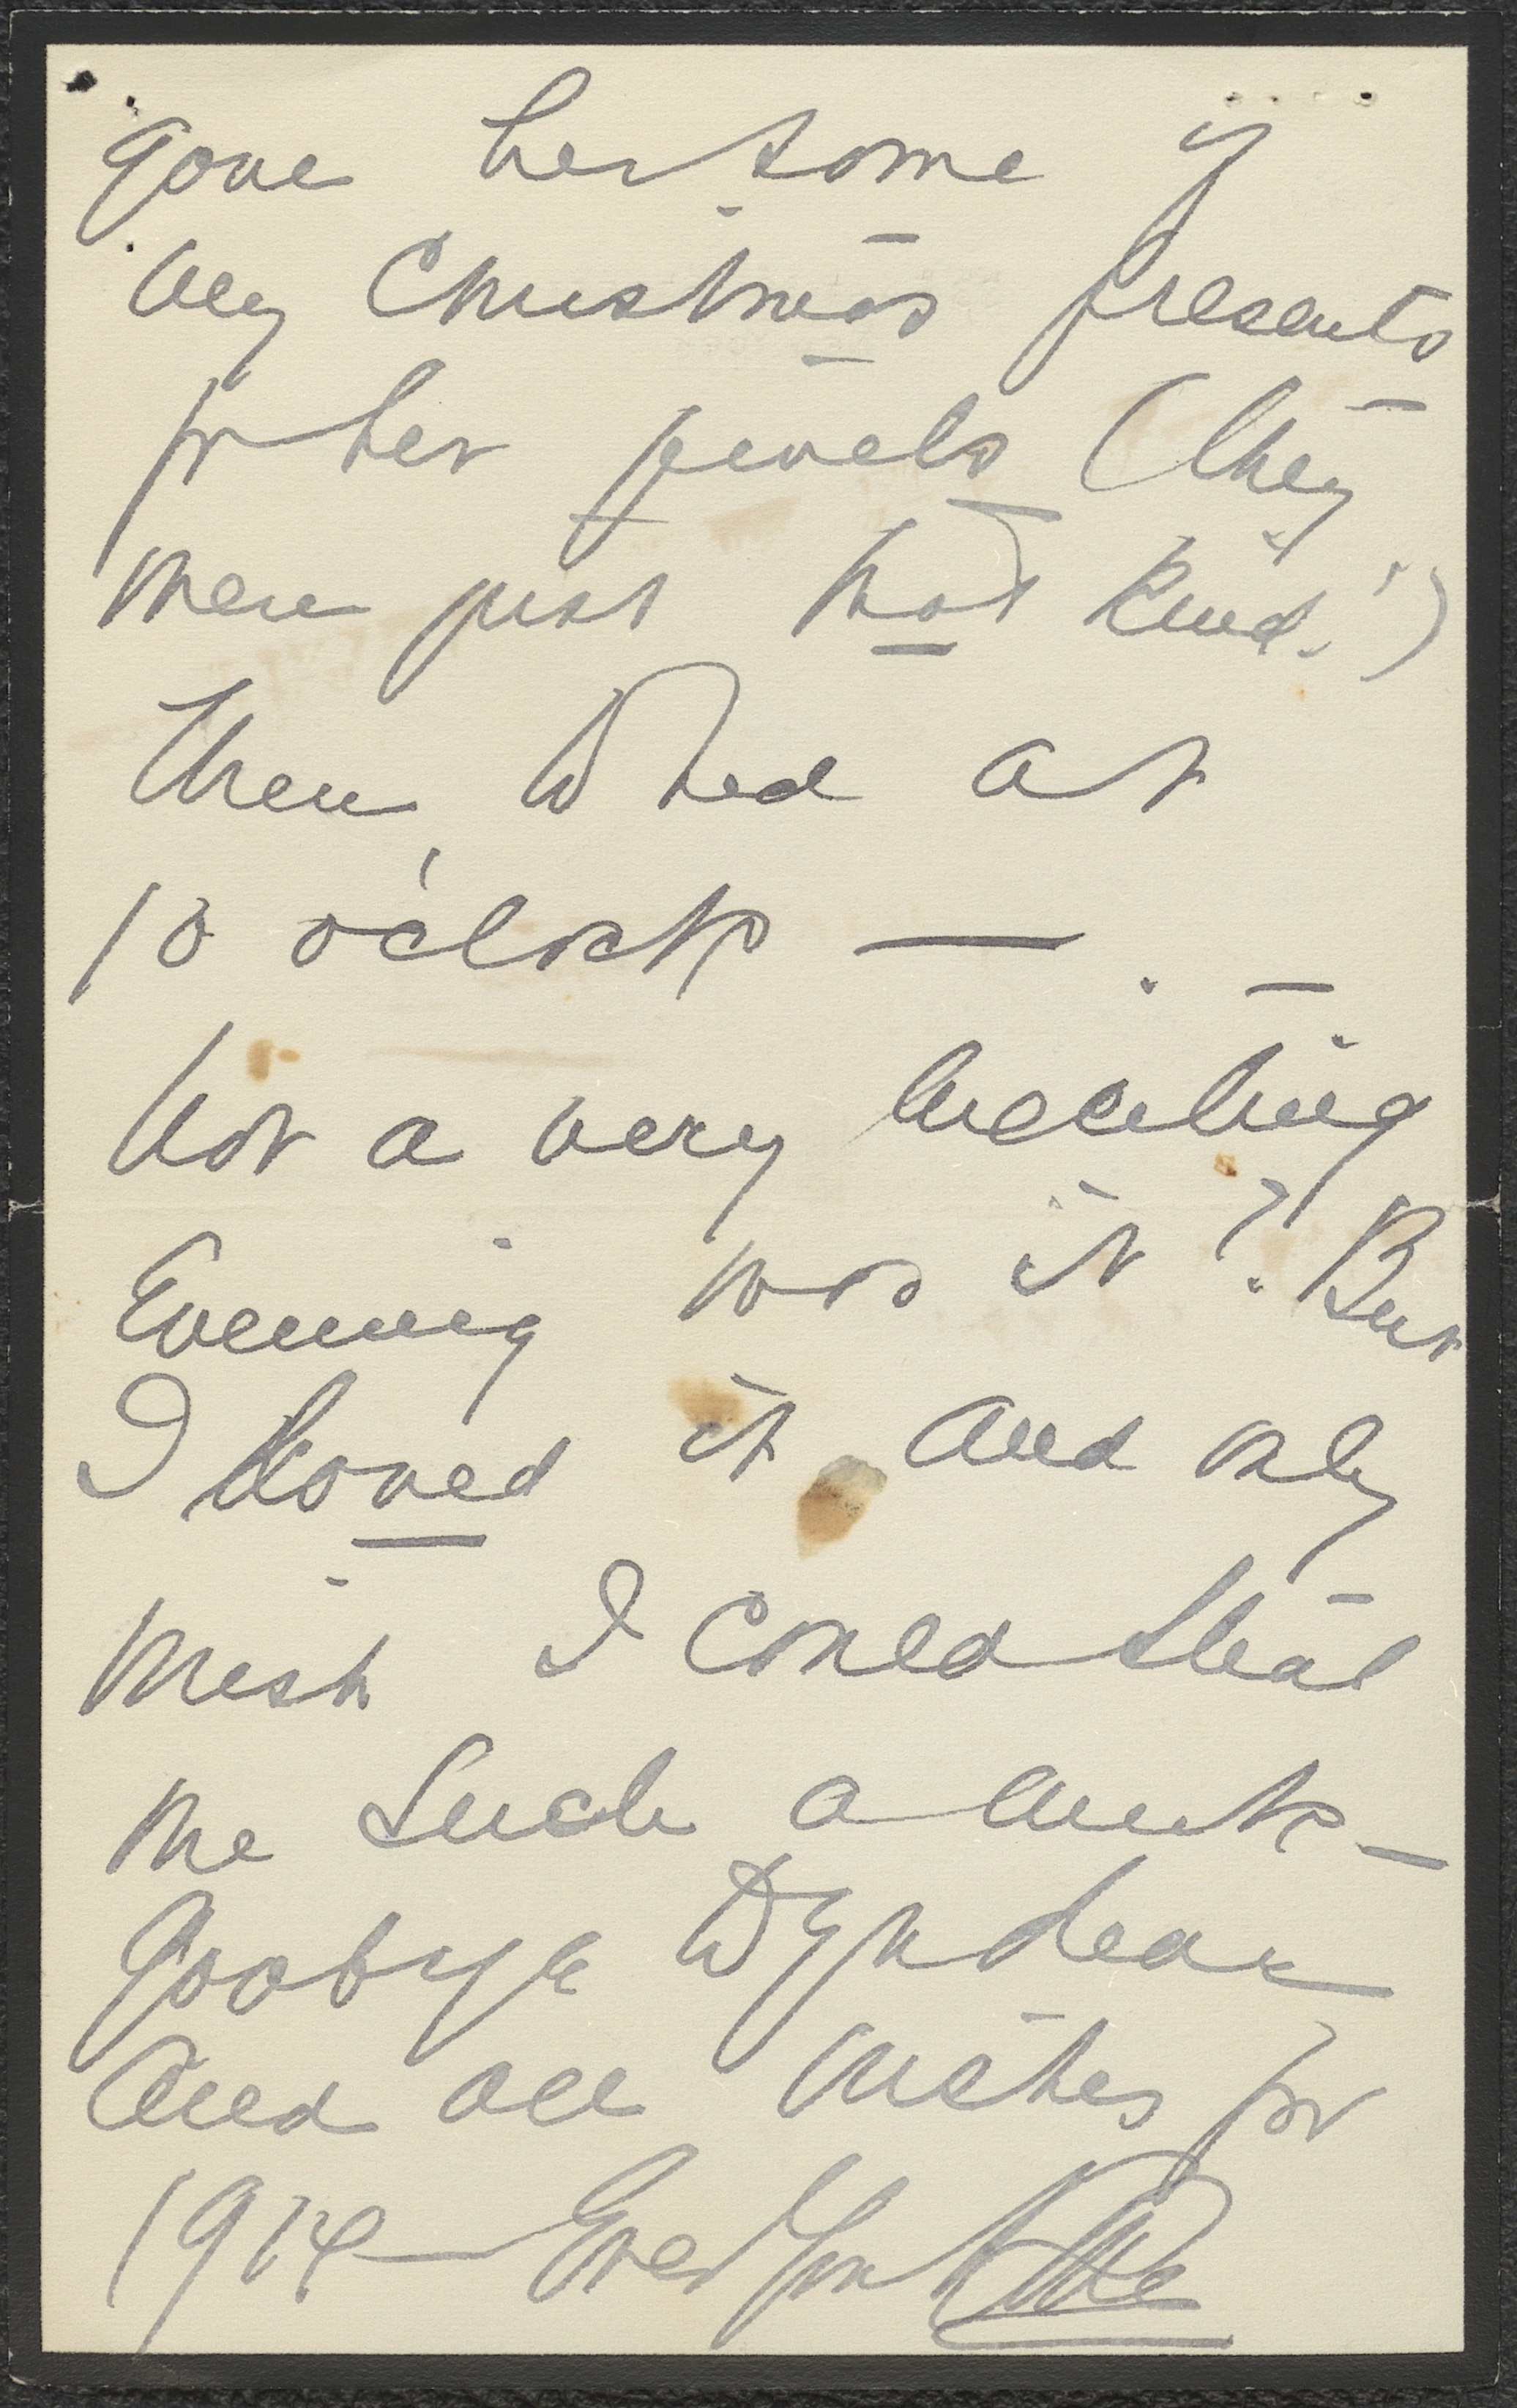gave her some of my Christmas presents for her jewels (they were just that kind!)
Then, to bed at 10 o’clock –
Not a very exciting evening was it? But I loved it and only wish I could steal one such a week – Goodbye to you dear and all wishes for 1914 – Ever Your Belle